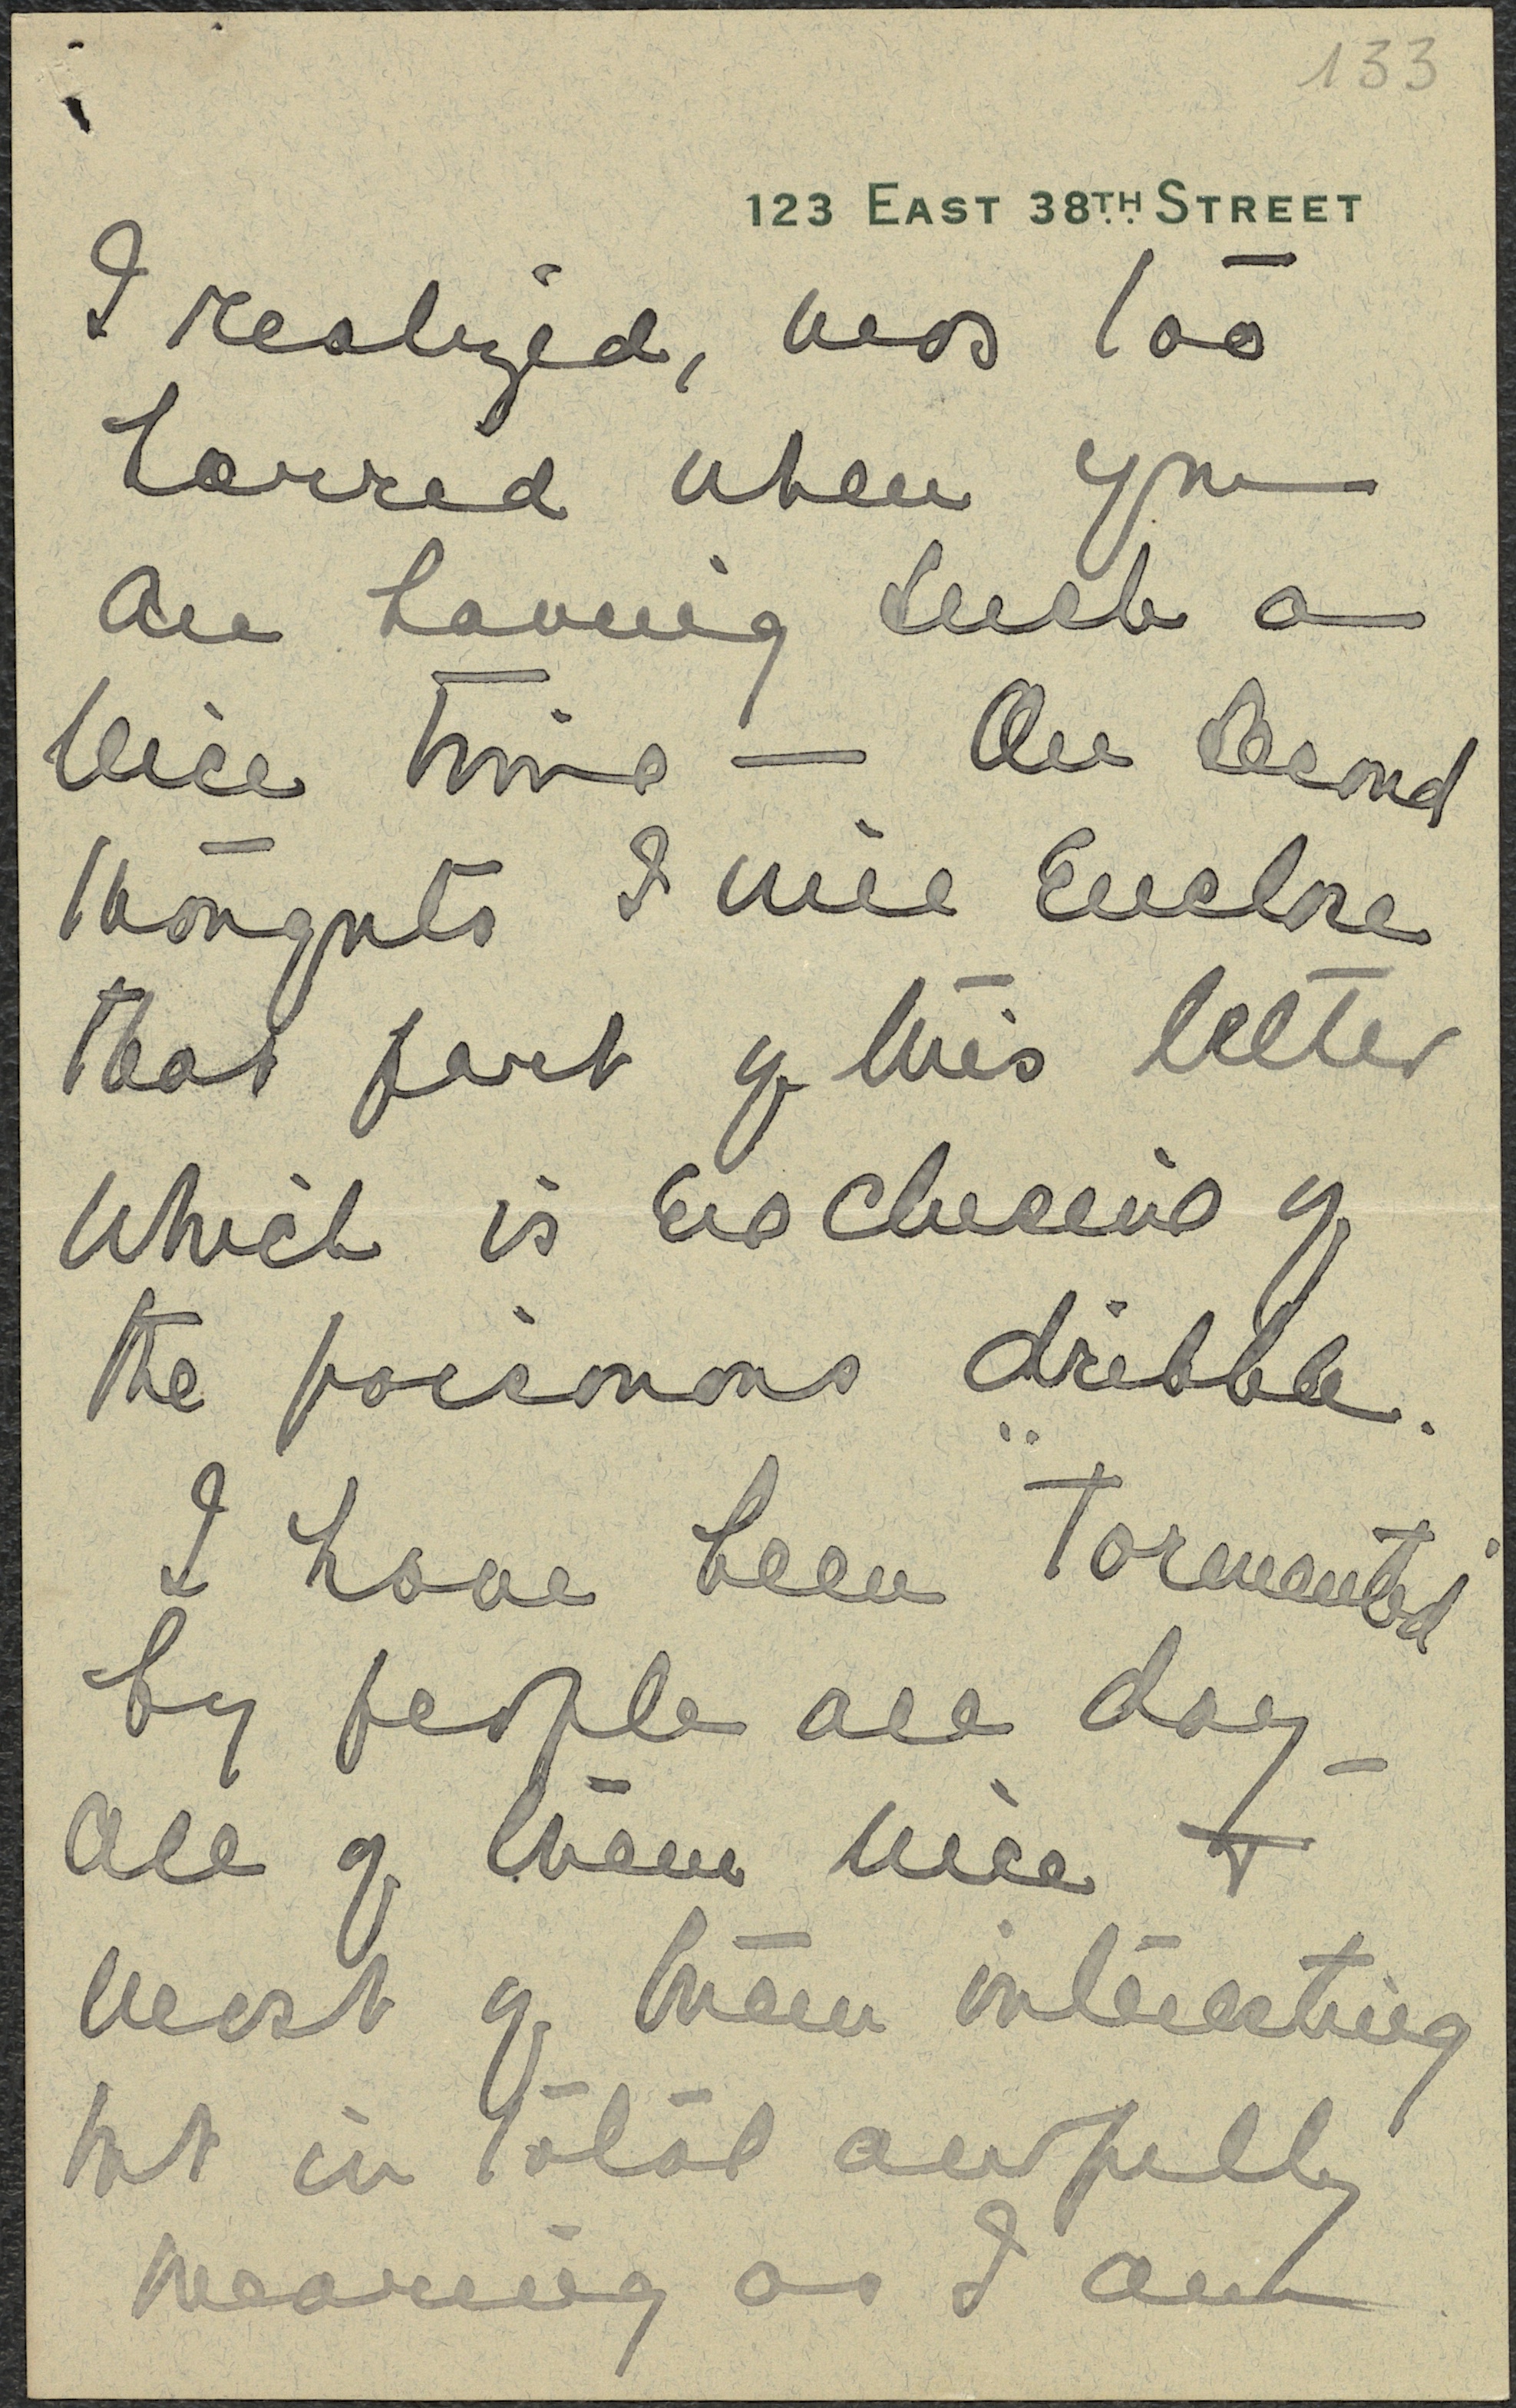I realized, was too horrid when you are having such a nice time – On second thoughts I will enclose that part of this letter which is exclusive of the poisonous dribble.
I have been "tormented" by people all day – All of them nice & most of them interesting but in total awfully wearing as I am